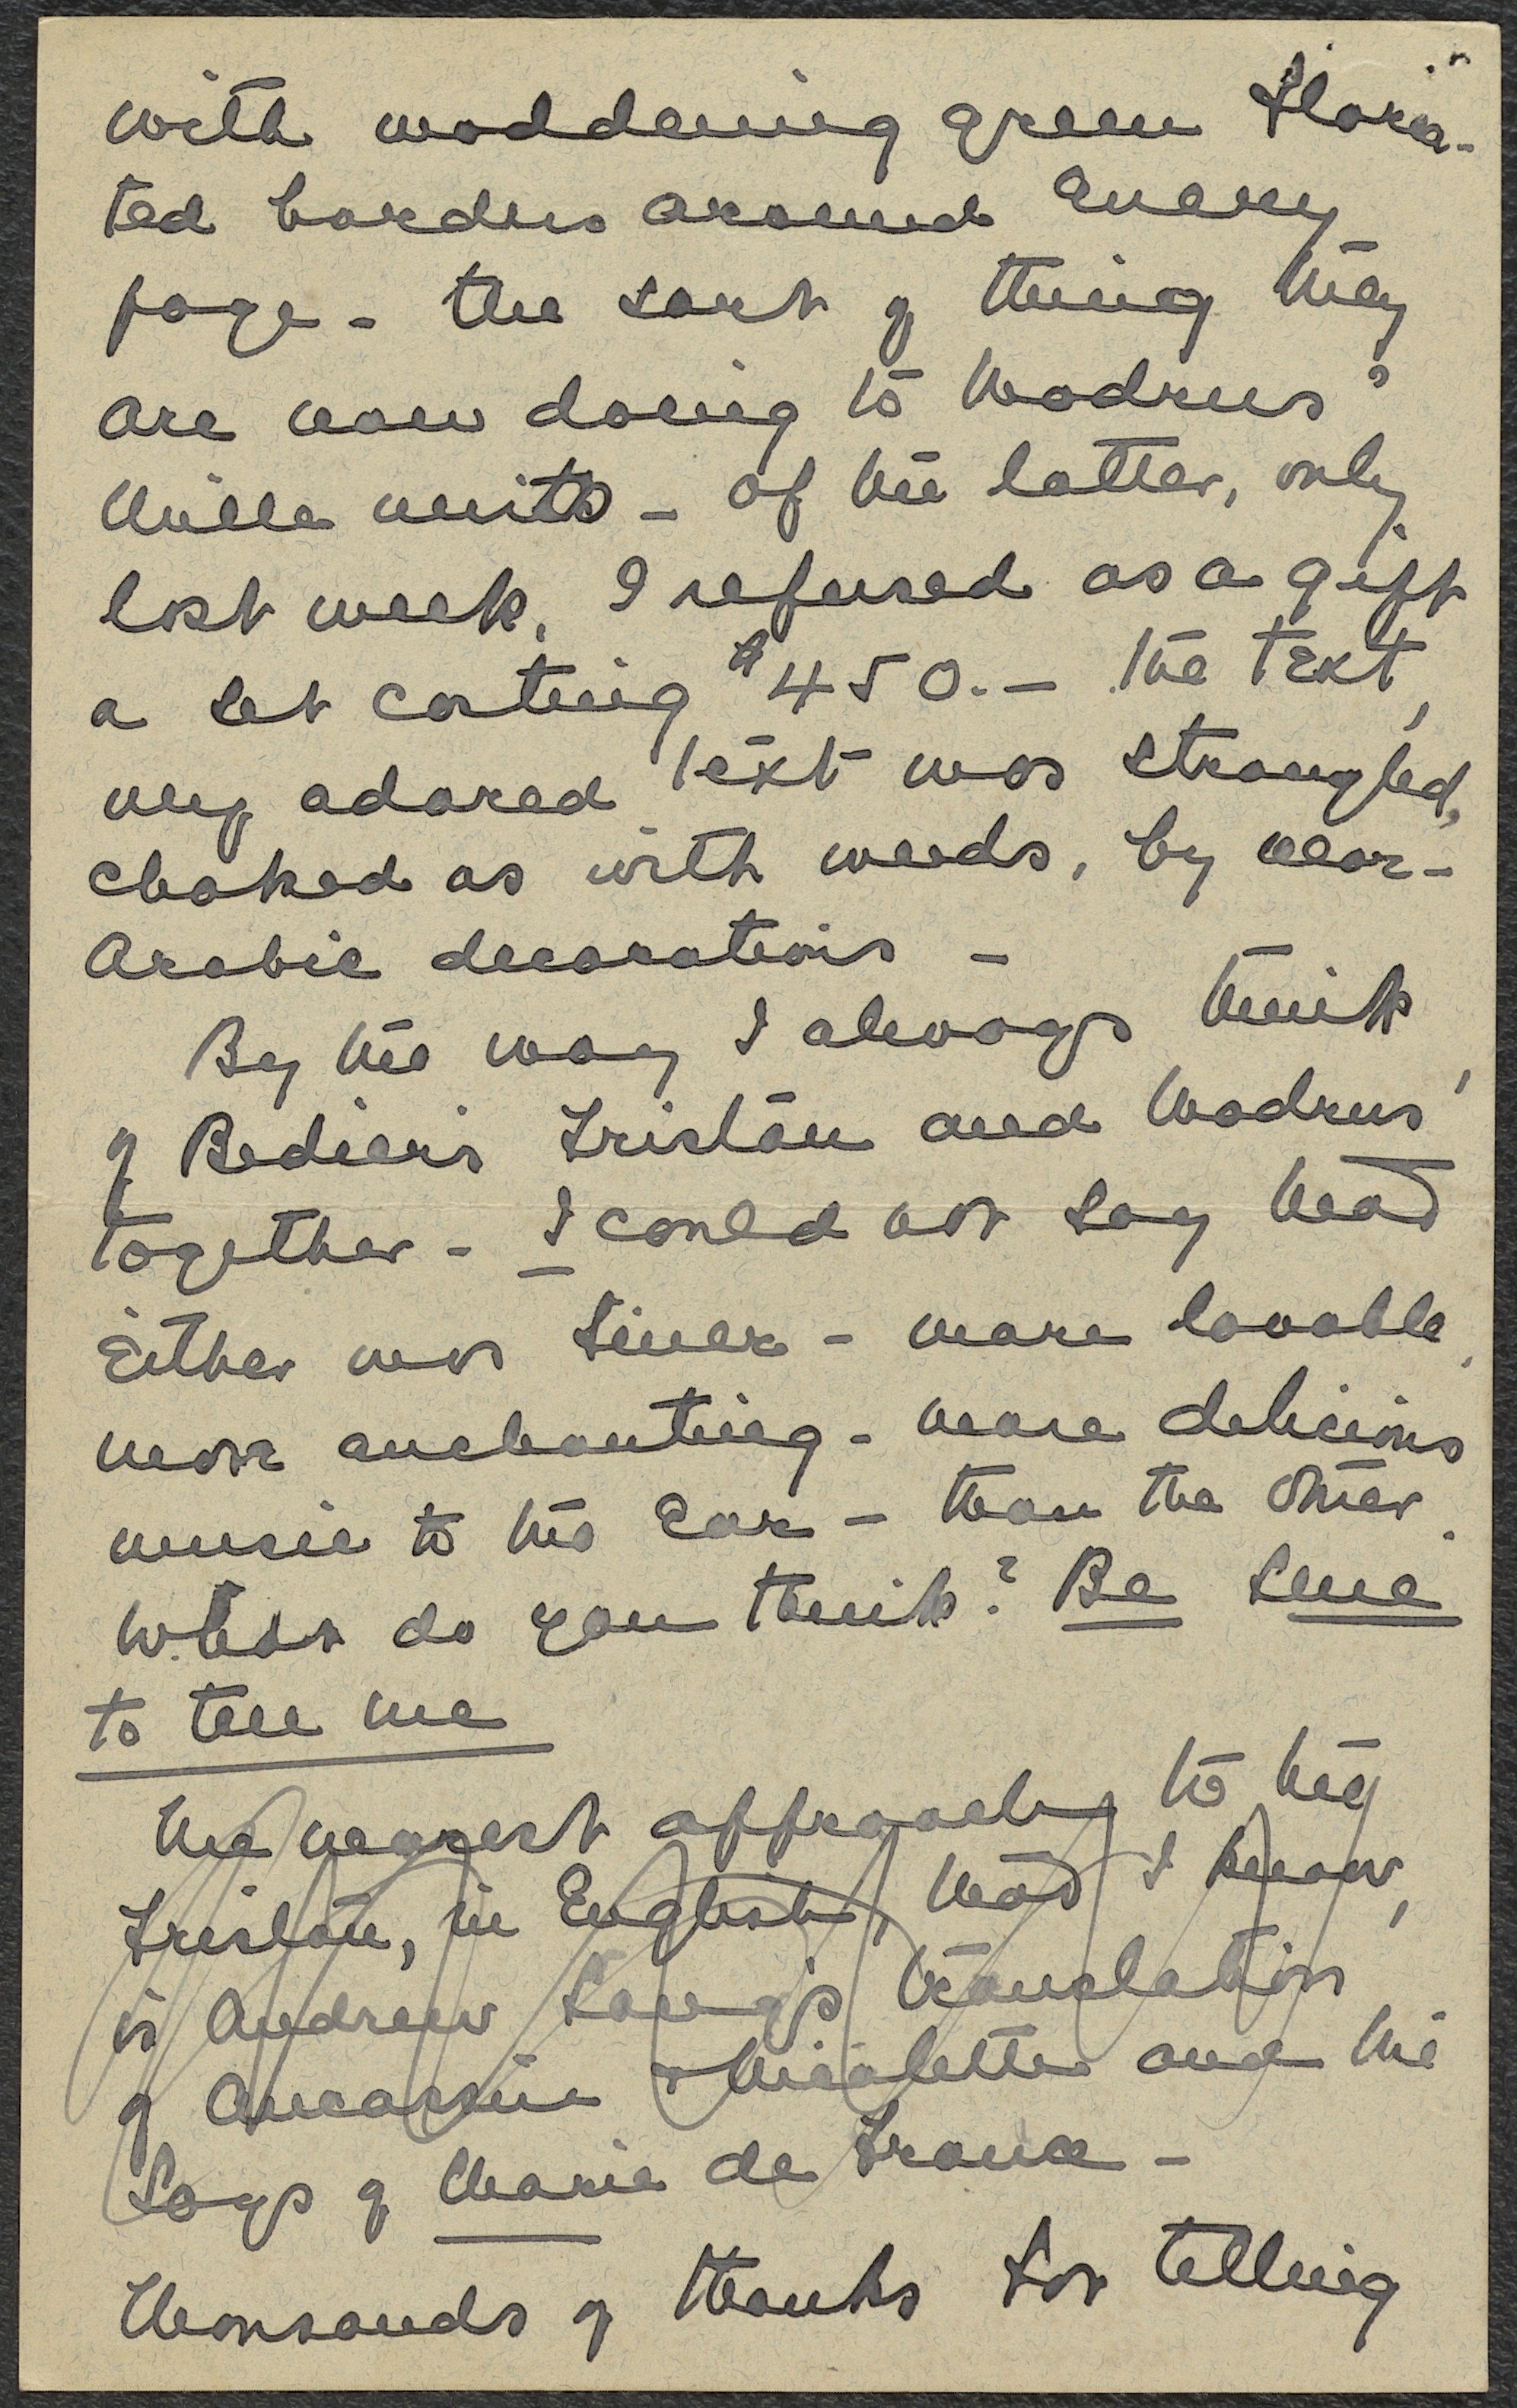with maddening green floriated borders around every page – the sort of thing they are now doing to Madrus’ [sic] Mille nuits – of the latter, only last week, I refused as a gift a set costing $450. – the text, my adored text was strangled, choked as with weeds, by near-Arabic decorations –
By the way I always think of Bedier’s [sic] Tristan and Madrus’ [sic] together – I could not say that either was finer – more lovable, more enchanting – more delicious music to the ear – than the other. What do you think? Be sure to tell me
The nearest approach to the Tristan, in English, that I know, is Andrew Lang’s translation of Aucassin & Nicolette [sic] and the lays of Marie de France –
Thousands of thanks for telling